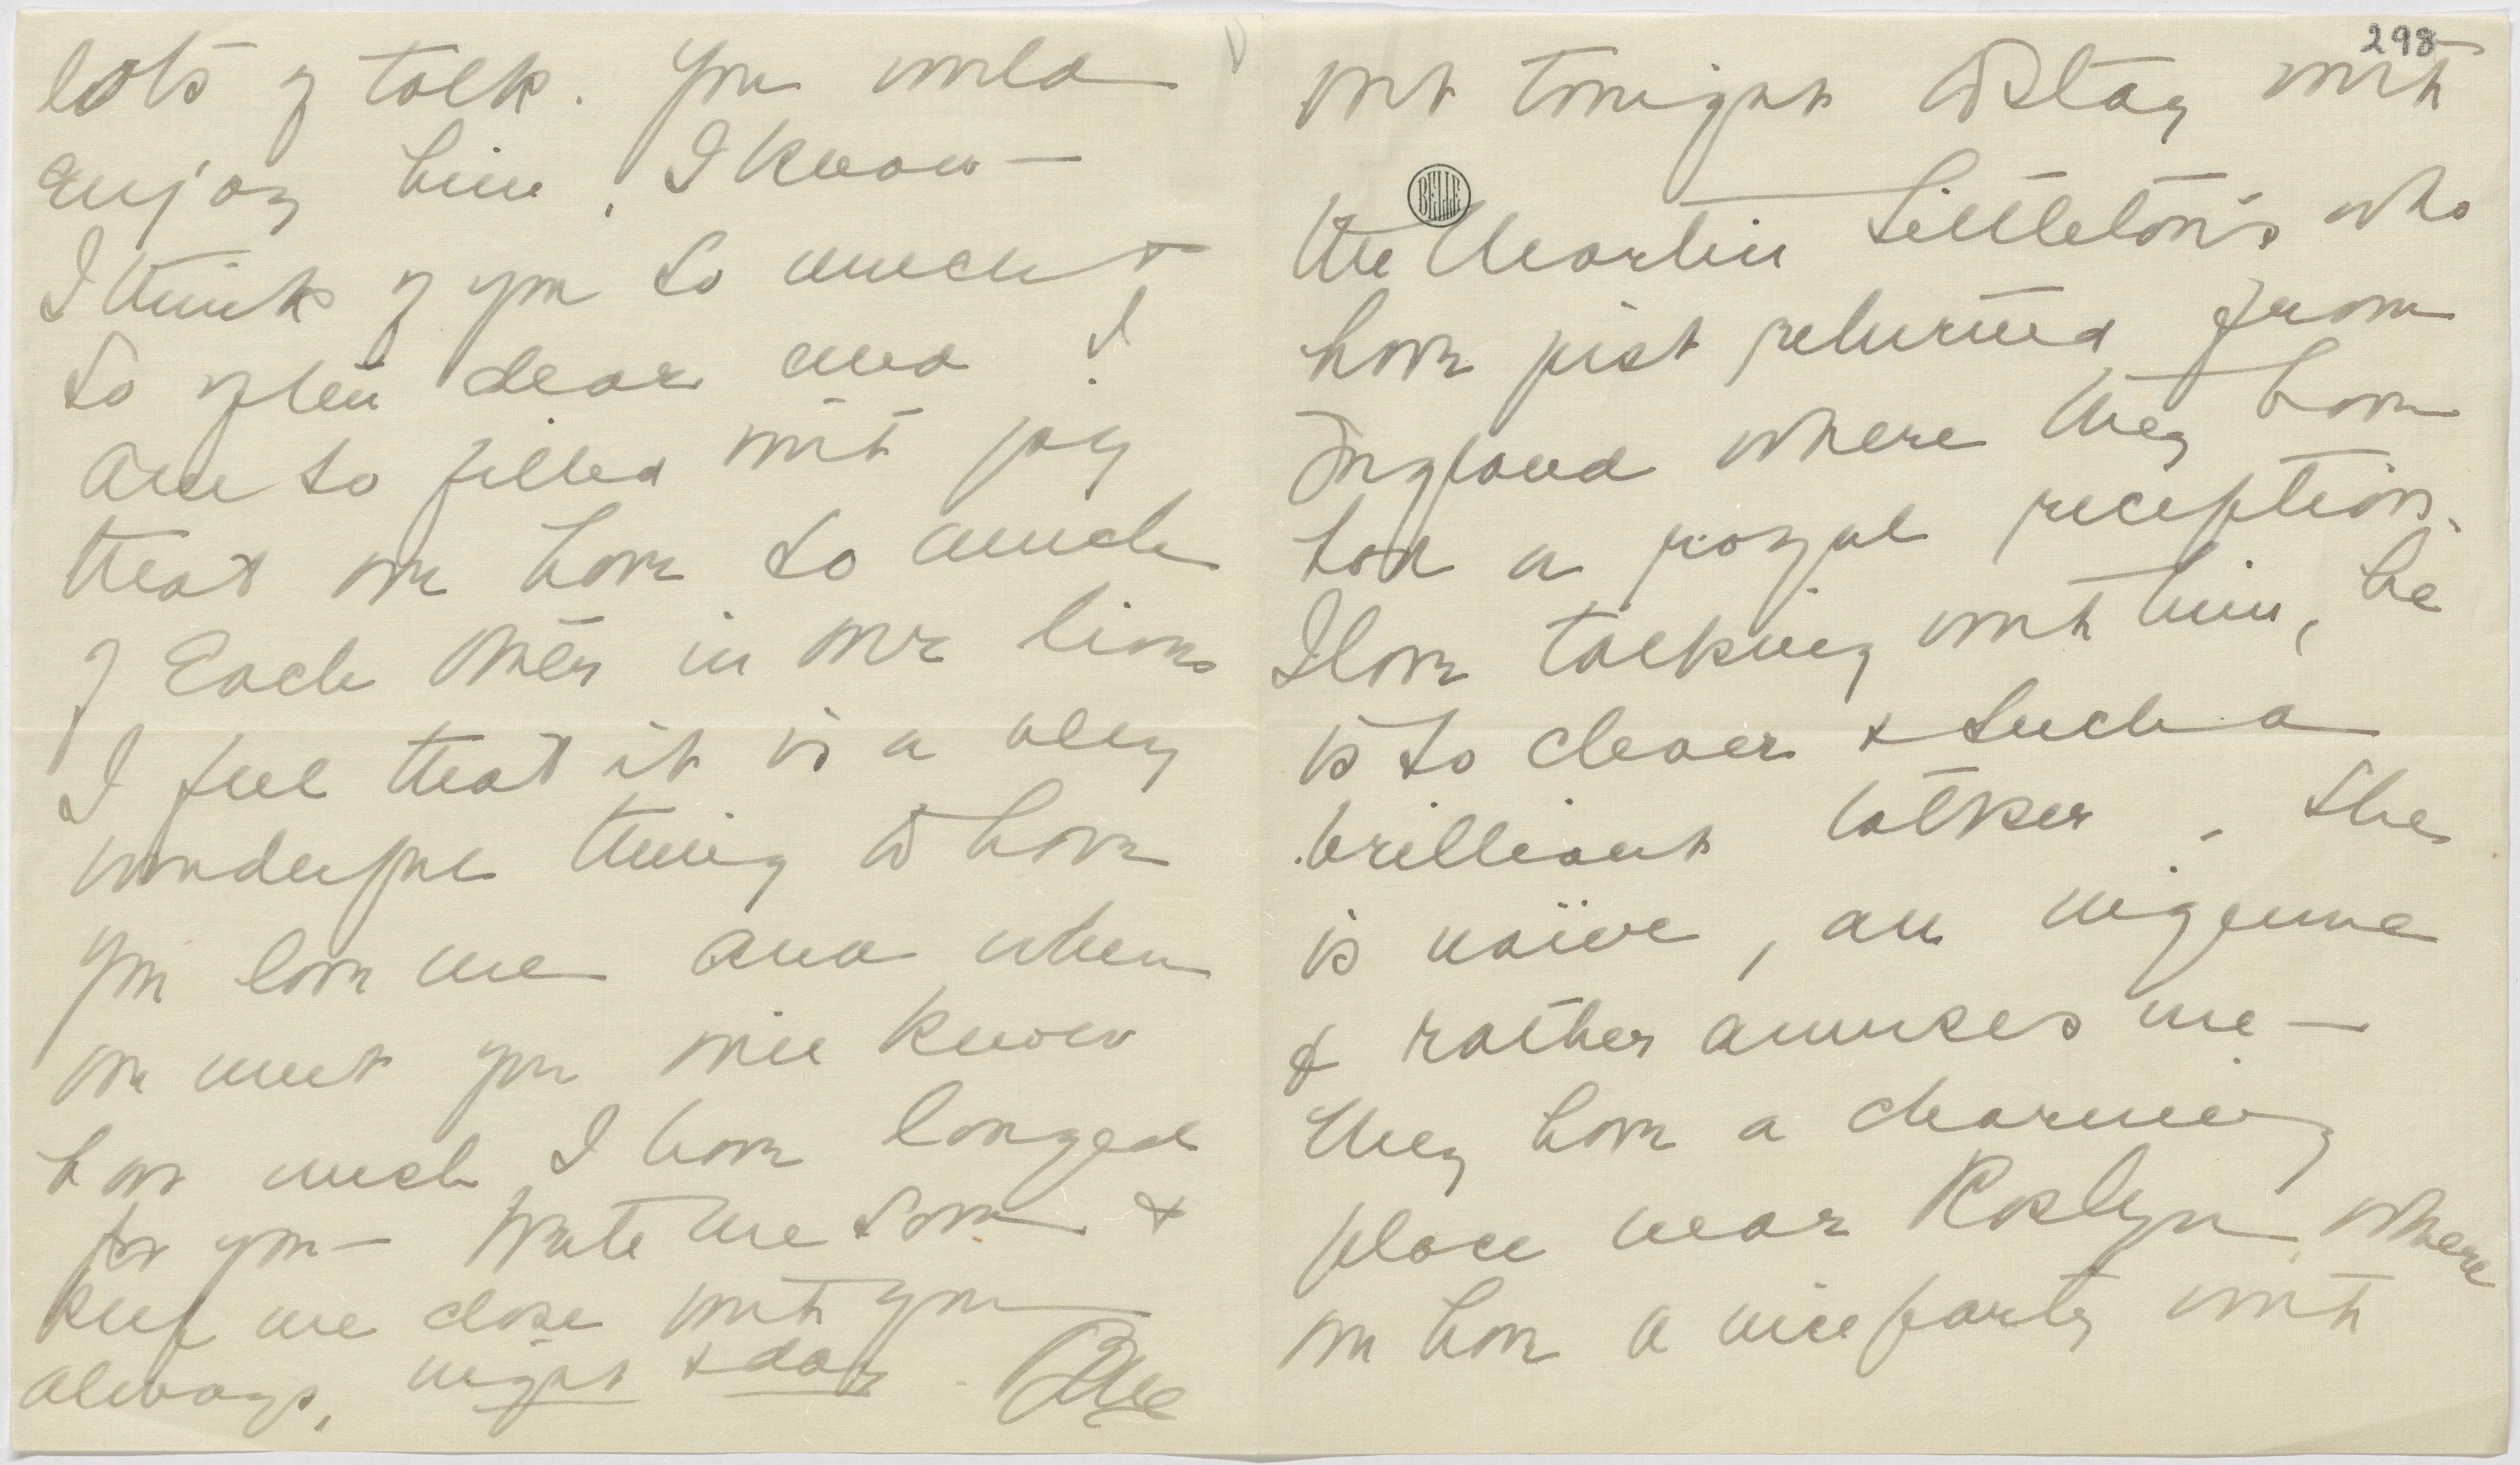out tonight to stay with the Martin Littleton’s who have just returned from England where they have had a royal reception – I love talking with him, he is so clever & such a brilliant talker – She is naïve, an ingénue & rather amuses me – They have a charming place near Roslyn where we have a nice party with
lots of talk. You would enjoy him, I know – I think of you so much & so often dear and I am so filled with joy that we have so much of each other in our lives
I feel that it is a very wonderful thing to have you love me and when we meet you will know how much I have longed for you – Write me soon & keep me close with you always, night & day
Belle